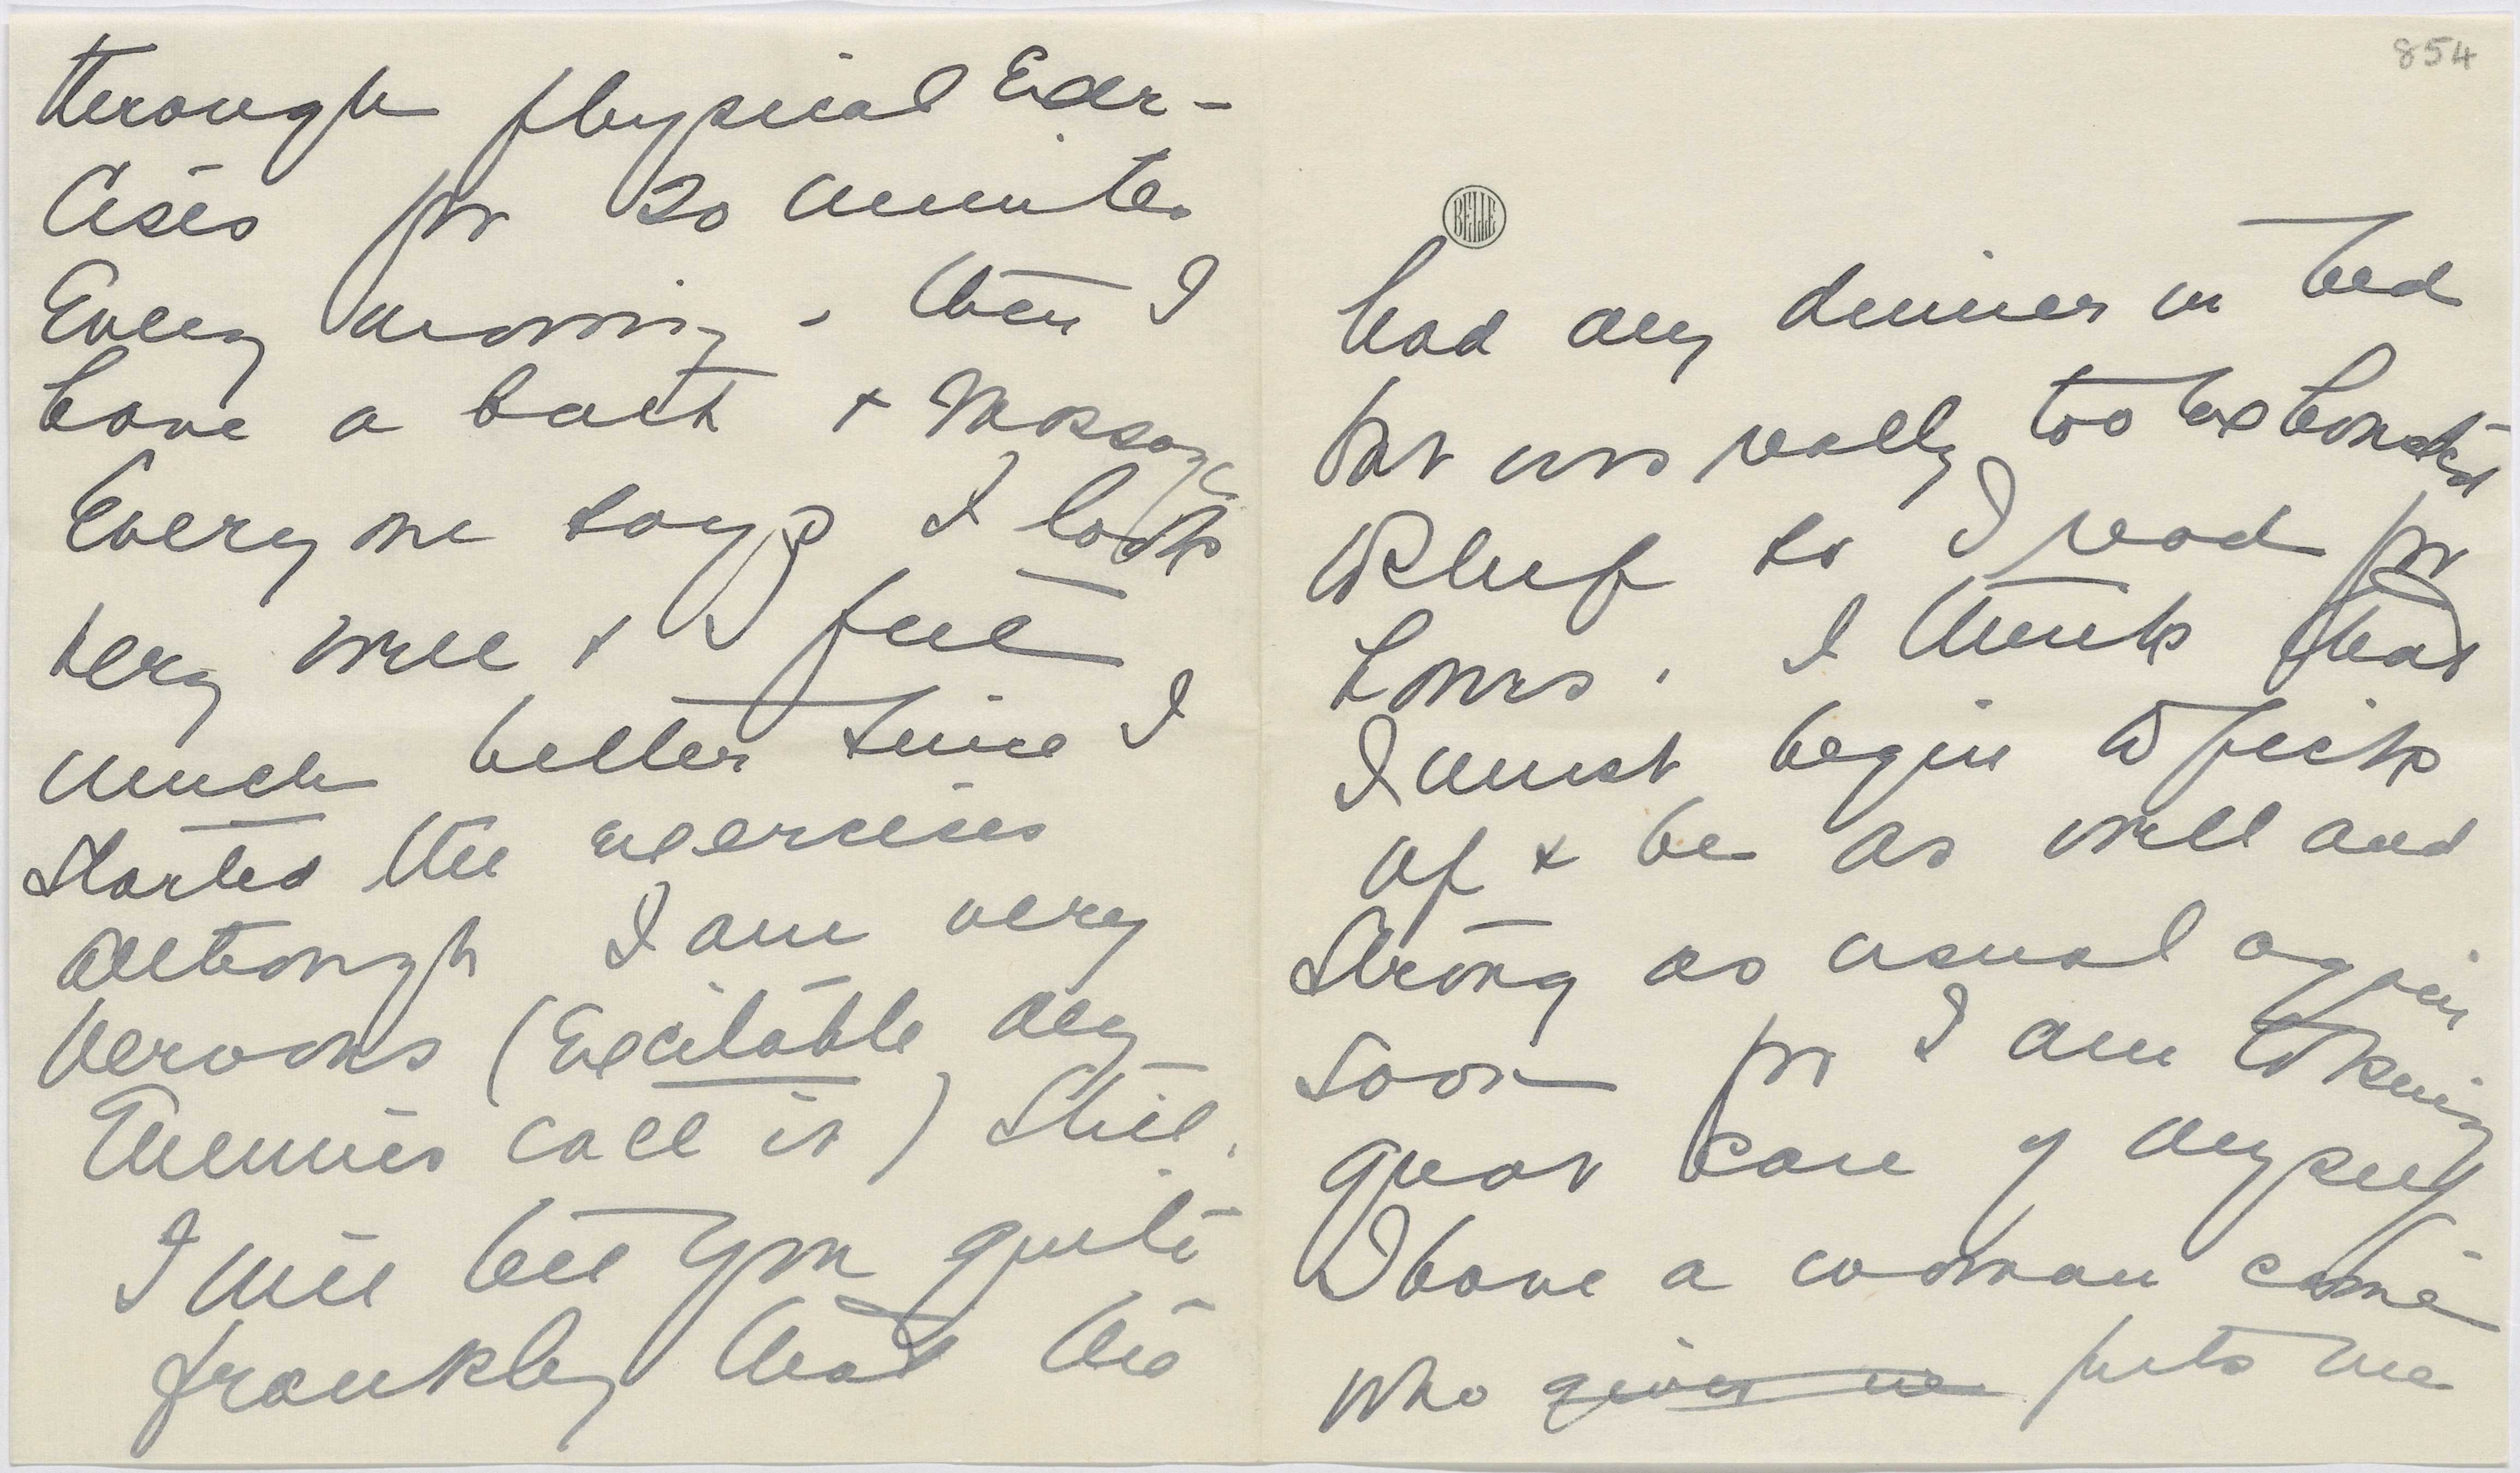had my dinner in bed but was really too exhausted to sleep so I read for hours. I think that I must begin to pick up & be as well and strong as usual again soon for I am taking great care of myself – I have a woman come who gives me puts me
through physical exercises for 20 minutes Every morning – then I have a bath & massage
Every one says I look very well & I feel much better since I started the exercises although I am very nervous (excitable my Enemies call it) still.
I will tell you quite frankly that the